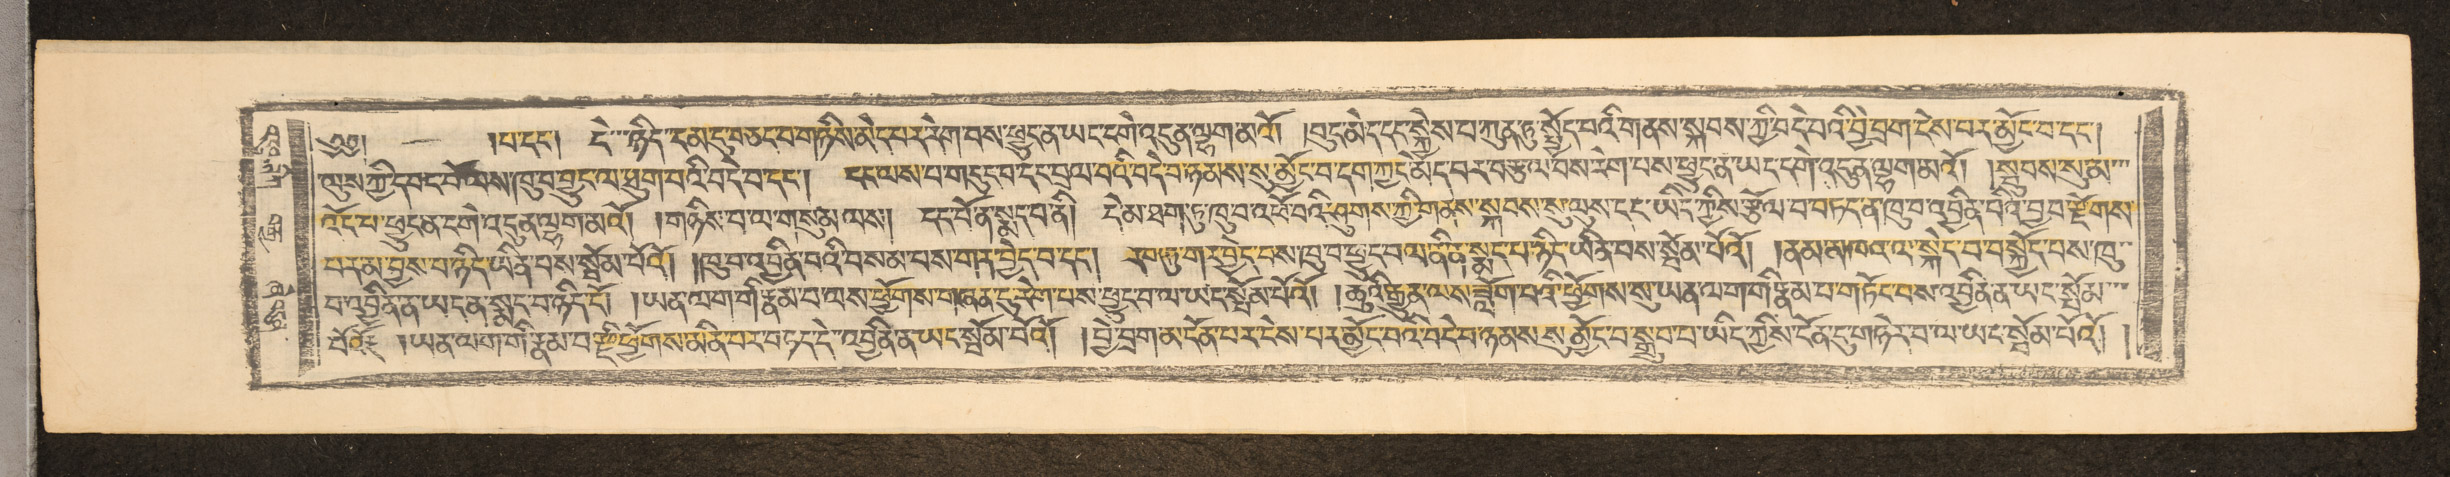༄༅། །པ་དང་། དེ་ཉིད་དམ་དུ་བཅང་བ་གཉིས་མེད་པར་རེག་པས་ཕྱུང་ན་ཡང་དགེ་འདུན་ལྷག་མའོ། །བུད་མེད་དང་སྐྱེས་པ་ཀུན་ཏུ་སྤྱོད་པའི་གནས་སྐབས་ཀྱི་བདེ་བའི་བྱེ་བྲག་ངེས་པར་མྱོང་བ་དང་།
ལུས་ཀྱི་དབང་པོ་ལས་ཁུ་བ་བྱུང་ལ་ཐུག་པའི་བདེ་བ་དང་། ངད་ལས་པ་གདུང་བ་དང་བྲལ་བའི་བདེ་བ་ཉམས་སུ་མྱོང་བ་དག་ཀྱང་མེད་པར་བརྩལ་བས་རེག་པས་ཕྱུང་ན་ཡང་དགེ་འདུན་ལྷག་མའོ། །སྦུབས་སུ་མ་
འོང་པ་ཕྱུང་ན་དགེ་འདུན་ལྷག་མའོ། །གཉིས་པ་ལ་གསུམ་ལས། དང་པོ་ན་སྨད་པ་ནི། དེ་མ་ཐག་ཏུ་ཁུ་བ་འཕོ་བའི་ཤུགས་ཀྱི་གནས་སྐབས་སུ་ལུས་དང་ཡིད་ཀྱིས་རྩོལ་བ་བཏང་ན་ཁུ་བ་འབྱིན་པའི་བྱ་བ་རྫོགས་
པར་མ་བྱས་པ་ཉིད་ཡིན་པས་སྦོམ་པོའོ། །ཁུ་བ་འབྱིན་པའི་བསམ་པས་གར་བྱེད་པ་དང་། རབ་ཏུ་གར་བྱེད་པས་ཁུ་བ་ཕྱུང་བ་ལ་ནི་ན་སྨད་པ་ཉིད་ཡིན་པས་སྦོམ་པོའོ། །ནམ་མཁའ་ལ་སྐེད་པ་བསྐྱོད་པས་ཁུ་
བ་འབྱིན་ན་ཡང་ན་སྨད་པ་ཉིད་དོ། །ཡན་ལག་གི་རྣམ་པ་ལས་ཕྱོགས་གཞན་དུ་རེག་པས་ཕྱུང་བ་ལ་ཡང་སྦོམ་པོའོ། །ཆུའི་རྒྱུན་ལས་ཟློག་པའི་ཕྱོགས་སུ་ཡན་ལག་གི་རྣམ་པ་གཏོད་པས་འབྱིན་ན་ཡང་སྦོམ་
པོའོ། །ཡན་ལག་གི་རྣམ་པ་རྫི་ཕྱོགས་མིན་པར་བཏད་དེ་འབྱིན་ན་ཡང་སྦོམ་པོའོ། །བྱེ་བྲག་མངོན་པར་ངེས་པར་མྱོང་བའི་བདེ་བ་ཉམས་སུ་མྱོང་བ་སྒྲུབ་པ་ཡིད་ཀྱིས་དོན་དུ་གཉེར་བ་ལ་ཡང་སྦོམ་པོའོ། །